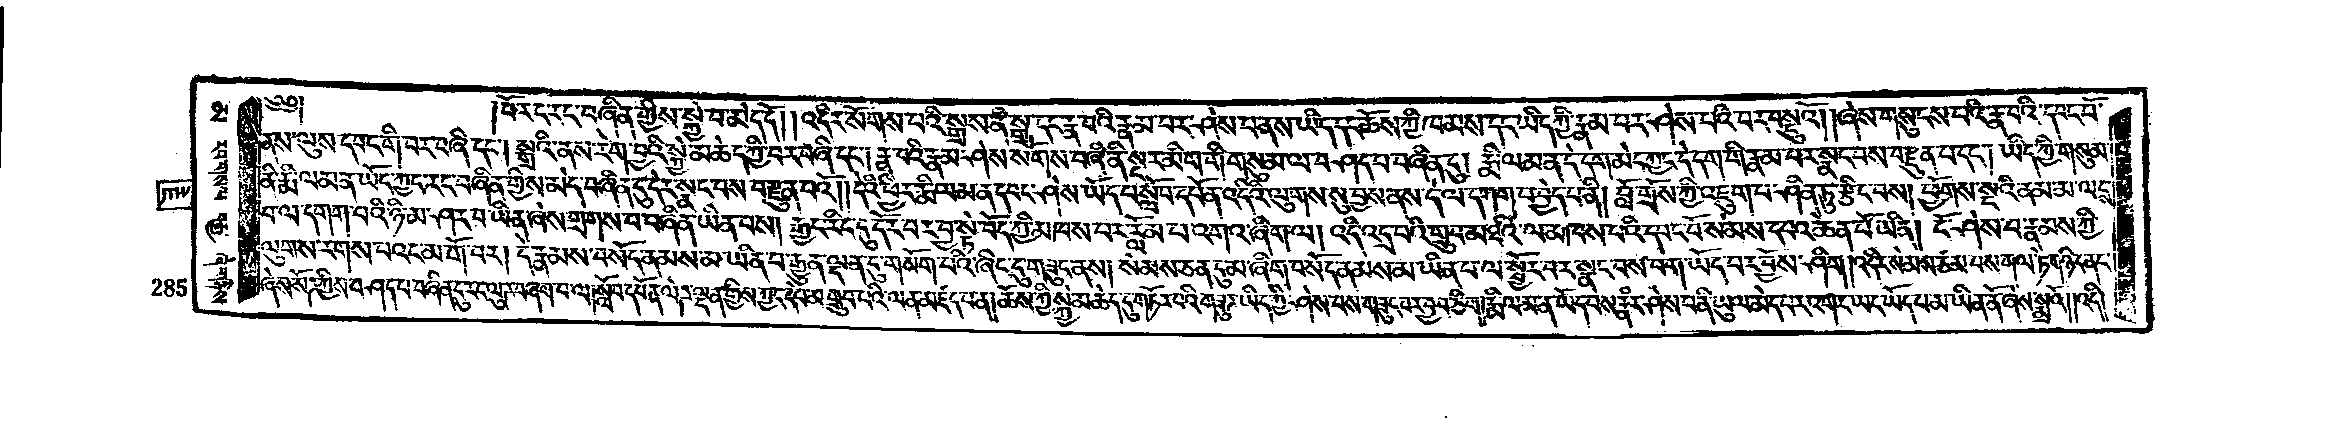༄༅། །པོའང་རང་བཞིན་གྱིས་སྐྱེ་བ་མེད་དོ། །འདིར་སོགས་པའི་སྒྲས་ནི་སྒྲ་དང་རྣ་བའི་རྣམ་པར་ཤེས་པ་ནས་ཡིད་དང་ཆོས་ཀྱི་ཁམས་དང་ཡིད་ཀྱི་རྣམ་པར་ཤེས་པའི་བར་བསྡུའོ། །ཞེས་གསུངས་པའི་རྣ་བའི་དབང་པོ་
ནས་ལུས་དབང་གི་བར་བཞི་དང་། སྒྲའི་ནས་རེག་བྱའི་སྐྱེ་མཆེད་ཀྱི་བར་བཞི་དང་། རྣ་བའི་རྣམ་ཤེས་སོགས་བཞི་ནི་སྔར་མིག་གི་གསུམ་ལ་བཤད་པ་བཞིན་དུ། རྨི་ལམ་ན་དེ་དག་མེད་ཀྱང་དེ་དག་གི་རྣམ་པར་སྣང་བས་བརྫུན་པ་དང་། ཡིད་ཀྱི་གསུམ་
ནི་རྨི་ལམ་ན་ཡོད་ཀྱང་རང་བཞིན་གྱིས་མེད་བཞིན་དུ་དེར་སྣང་བས་བརྫུན་པའོ། །དེའི་ཕྱིར་རྨི་ལམ་ན་དབང་ཤེས་ཡོད་པ་སློབ་དཔོན་འདིའི་ལུགས་སུ་བྱས་ནས་དེ་ལ་དགག་པ་བྱེད་པ་ནི། བློ་གྲོས་ཀྱི་འཇུག་པ་ཤིན་ཏུ་རྩིང་བས། ཕྱོགས་སྔའི་ནམ་མ་ལངས་
པ་ལ་དགག་པའི་ཉི་མ་ཤར་བ་ཡིན་ཞེས་གྲགས་པ་བཞིན་ཡིན་པས། རྒྱང་རིང་དུ་དོར་བར་བྱ་སྟེ་བོད་ཀྱི་མཁས་པར་རློམ་པ་འགའ་ཞིག་ལ། འདི་འདྲ་བའི་གྲུབ་མཐའ་ལ་མཁས་པའི་དབང་པོ་སེམས་དཔའ་ཆེན་པོ་ཡིན། ངོ་ཤེས་པ་རྣམས་ཀྱི་
ལུགས་རགས་པའང་མ་གོ་བར། དེ་རྣམས་བསོད་ནམས་མ་ཡིན་པ་རྒྱུན་ལྡན་དུ་གསོག་པའི་ཞིང་དུ་གཟུང་ནས། སེམས་ཅན་དུ་མ་ཞིག་བསོད་ནམས་མ་ཡིན་པ་ལ་སྦྱོར་བར་སྣང་བས་བག་ཡོད་པར་བྱོས་ཤིག །འདིར་སེམས་ཙམ་པས་གལ་ཏེ་གཉིད་ནང་
ཞེས་སོགས་ཀྱིས་བཤད་པ་བཞིན་དུ་རང་ལུགས་བཞག་པ་ལ། སློབ་དཔོན་ལེགས་ལྡན་གྱིས་ཀྱང་དཔེ་མ་གྲུབ་པའི་ལན་མཛད་པ་ན། ཆོས་ཀྱི་སྐྱེ་མཆེད་དུ་གཏོར་བའི་གཟུགས་ཡིད་ཀྱི་ཤེས་པས་གཟུང་བར་བྱ་བ་ཅིག །རྨི་ལམ་ན་ཡོད་པས་རྣམ་པར་ཤེས་པ་ནི་ཡུལ་མེད་པར་འགར་ཡང་ཡོད་པ་མ་ཡིན་ནོ་ཞེས་སྨྲའོ། །འདི་